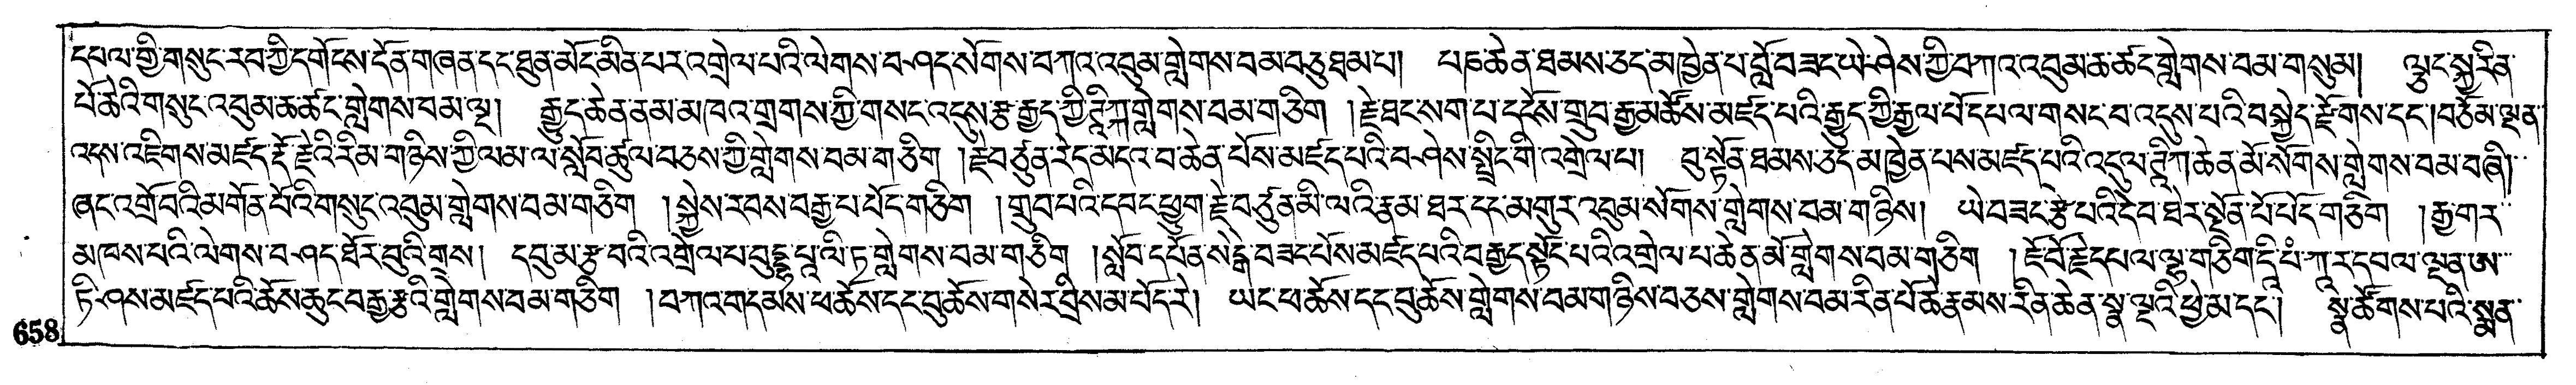དཔལ་གྱི་གསུང་རབ་ཀྱི་དགོངས་དོན་གཞན་དང་ཐུན་མོང་མིན་པར་འགྲེལ་པའི་ལེགས་བཤད་སོགས་བཀའ་འབུམ་གླེགས་བམ་བཅུ་ཐམ་པ། པཎ་ཆེན་ཐམས་ཅད་མཁྱེན་པ་བློ་བཟང་ཡེ་ཤེས་ཀྱི་བཀའ་འབུམ་ཆ་ཚང་གླེགས་བམ་གསུམ། ལྕང་སྐྱ་རིན་
པོ་ཆེའི་གསུང་འབུམ་ཆ་ཚང་གླེགས་བམ་ལྔ། རྒྱུད་ཆེན་ནམ་མཁའ་གྲགས་ཀྱི་གསང་འདུས་རྩ་རྒྱུད་ཀྱི་ཊཱིཀྐ་གླེགས་བམ་གཅིག །རྗེ་ཐང་སག་པ་དངོས་གྲུབ་རྒྱ་མཚོས་མཛད་པའི་རྒྱུད་ཀྱི་རྒྱལ་པོ་དཔལ་གསང་བ་འདུས་པའི་བསྐྱེད་རྫོགས་དང་། བཅོམ་ལྡན་
འདས་འཇིགས་མཛད་རྡོ་རྗེའི་རིམ་གཉིས་ཀྱི་ལམ་ལ་སློབ་ཚུལ་བཅས་ཀྱི་གླེགས་བམ་གཅིག །རྗེ་བཙུན་རེད་མདའ་པ་ཆེན་པོས་མཛད་པའི་བཤེས་སྦྲིང་གི་འགྲེལ་པ། བུ་སྟོན་ཐམས་ཅད་མཁྱེན་པས་མཛད་པའི་འདུལ་ཊཱིཀ་ཆེན་མོ་སོགས་གླེགས་བམ་བཞི།
ཞང་འགྲོ་བའི་མགོན་པོའི་གསུང་འབུམ་གླེགས་བམ་གཅིག །སྐྱེས་རབས་བརྒྱ་པ་པོད་གཅིག །གྲུབ་པའི་དབང་ཕྱུག་རྗེ་བཙུན་མི་ལའི་རྣམ་ཐར་དང་མགུར་འབུམ་སོགས་གླེགས་བམ་གཉིས། ཡེ་བཟང་རྩེ་པའི་དེབ་ཐེར་སྔོན་པོ་པོད་གཅིག །རྒྱ་གར་
མཁས་པའི་ལེགས་བཤད་ཐོར་བུའི་གྲས། དབུ་མ་རྩ་བའི་འགྲེལ་ད་བུཇྷ་པཱ་ལི་ཏ་གླེགས་བམ་གཅིག །སློབ་དཔོན་སེངྒེ་བཟང་པོས་མཛད་པའི་བརྒྱད་སྟོང་པའི་འགྲེལ་པ་ཆེན་མོ་གླེགས་བམ་གཅིག །ཇོ་བོ་རྗེ་དཔལ་ལྷ་གཅིག་དཱི་པཾ་ཀཱ་ར་དཔལ་ལྡན་ཨ་
ཏི་ཤས་མཛད་པའི་ཆོས་ཆུང་བརྒྱ་རྩའི་གླེགས་བམ་གཅིག །བཀའ་གདམས་ཕ་ཆོས་དང་བུ་ཆོས་གསེར་བྲིས་མ་པོད་རེ། ཡང་ཕ་ཆོས་དང་བུ་ཆོས་གླེགས་བམ་གཉིས་བཅས་གླེགས་བམ་རིན་པོ་ཆེ་རྣམས་རིན་ཆེན་སྣ་ལྔའི་ཕྱེ་མ་དང་། སྣ་ཚོགས་པའི་སྨན་